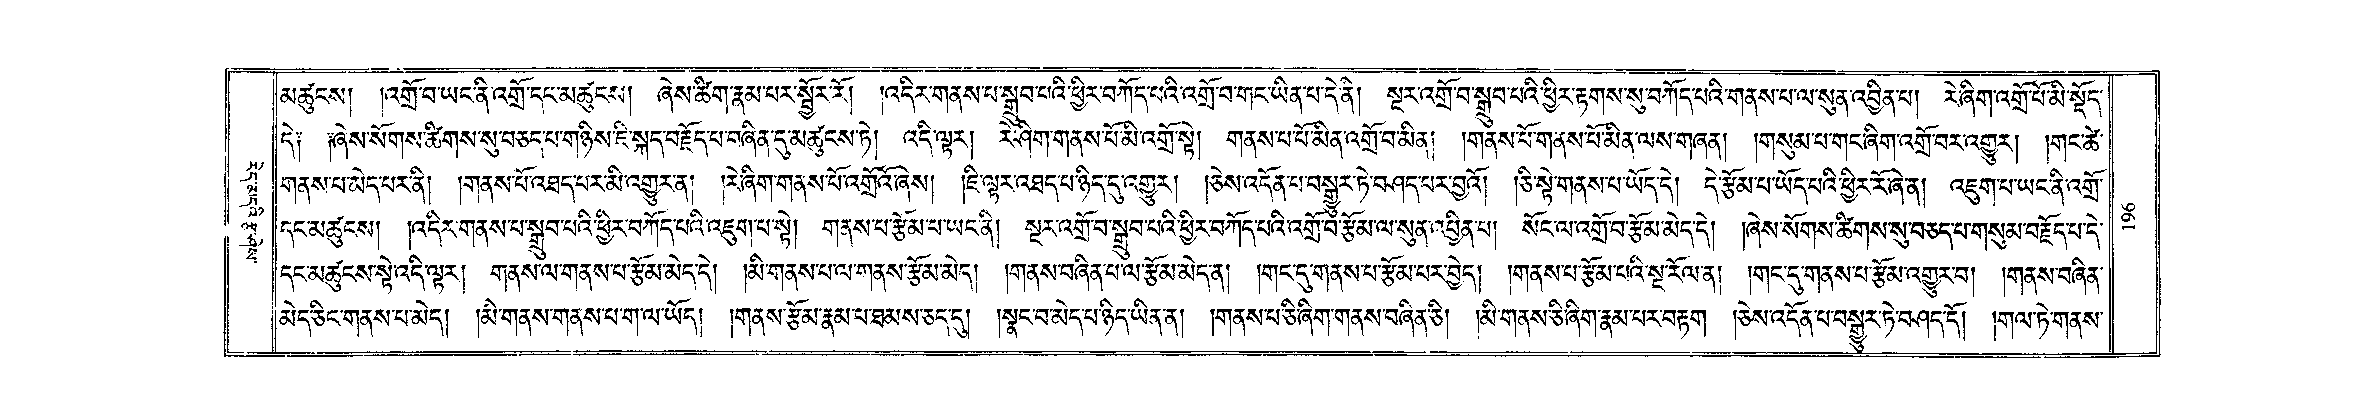མཚུངས། །འགྲོ་བ་ཡང་ནི་འགྲོ་དང་མཚུངས། ཞེས་ཚིག་རྣམ་པར་སྦྱོར་རོ། །འདིར་གནས་པ་སྒྲུབ་པའི་ཕྱིར་བཀོད་པའི་འགྲོ་བ་གང་ཡིན་པ་དེ་ནི། སྔར་འགྲོ་བ་སྒྲུབ་པའི་ཕྱིར་རྟགས་སུ་བཀོད་པའི་གནས་པ་ལ་སུན་འབྱིན་པ། རེ་ཞིག་འགྲོ་པོ་མི་སྡོད་
དེ༑ ༑ཞེས་སོགས་ཚིགས་སུ་བཅད་པ་གཉིས་ཇི་སྐད་བརྗོད་པ་བཞིན་དུ་མཚུངས་ཏེ། འདི་ལྟར། རེ་ཤིག་གནས་པོ་མི་འགྲོ་སྟེ། གནས་པ་པོ་མིན་འགྲོ་བ་མིན། །གནས་པོ་གནས་པོ་མིན་ལས་གཞན། །གསུམ་པ་གང་ཞིག་འགྲོ་བར་འགྱུར། །གང་ཚེ་
གནས་པ་མེད་པར་ནི། །གནས་པོ་འཐད་པར་མི་འགྱུར་ན། །རེ་ཞིག་གནས་པོ་འགྲོའོ་ཞེས། །ཇི་ལྟར་འཐད་པ་ཉིད་དུ་འགྱུར། །ཅེས་འདོན་པ་བསྒྱུར་ཏེ་བཤད་པར་བྱའོ། །ཅི་སྟེ་གནས་པ་ཡོད་དེ། དེ་རྩོམ་པ་ཡོད་པའི་ཕྱིར་རོ་ཞེ་ན། འཇུག་པ་ཡང་ནི་འགྲོ་
དང་མཚུངས། །འདིར་གནས་པ་སྒྲུབ་པའི་ཕྱིར་བཀོད་པའི་འཇུག་པ་སྟེ། གནས་པ་རྩོམ་པ་ཡང་ནི། སྔར་འགྲོ་བ་སྒྲུབ་པའི་ཕྱིར་བཀོད་པའི་འགྲོ་བ་རྩོམ་ལ་སུན་འབྱིན་པ། སོང་ལ་འགྲོ་བ་རྩོམ་མེད་དེ། །ཞེས་སོགས་ཚིགས་སུ་བཅད་པ་གསུམ་བརྗོད་པ་དེ་
དང་མཚུངས་སྟེ་འདི་ལྟར། གནས་ལ་གནས་པ་རྩོམ་མེད་དེ། །མི་གནས་པ་ལ་གནས་རྩོམ་མེད། །གནས་བཞིན་པ་ལ་རྩོམ་མེད་ན། །གང་དུ་གནས་པ་རྩོམ་པར་བྱེད། །གནས་པ་རྩོམ་པའི་སྔ་རོལ་ན། །གང་དུ་གནས་པ་རྩོམ་འགྱུར་བ། །གནས་བཞིན་
མེད་ཅིང་གནས་པ་མེད། །མི་གནས་གནས་པ་ག་ལ་ཡོད། །གནས་རྩོམ་རྣམ་པ་ཐམས་ཅད་དུ། །སྣང་བ་མེད་པ་ཉིད་ཡིན་ན། །གནས་པ་ཅི་ཞིག་གནས་བཞིན་ཅི། །མི་གནས་ཅི་ཞིག་རྣམ་པར་བརྟག །ཅེས་འདོན་པ་བསྒྱུར་ཏེ་བཤད་དོ། །གལ་ཏེ་གནས་